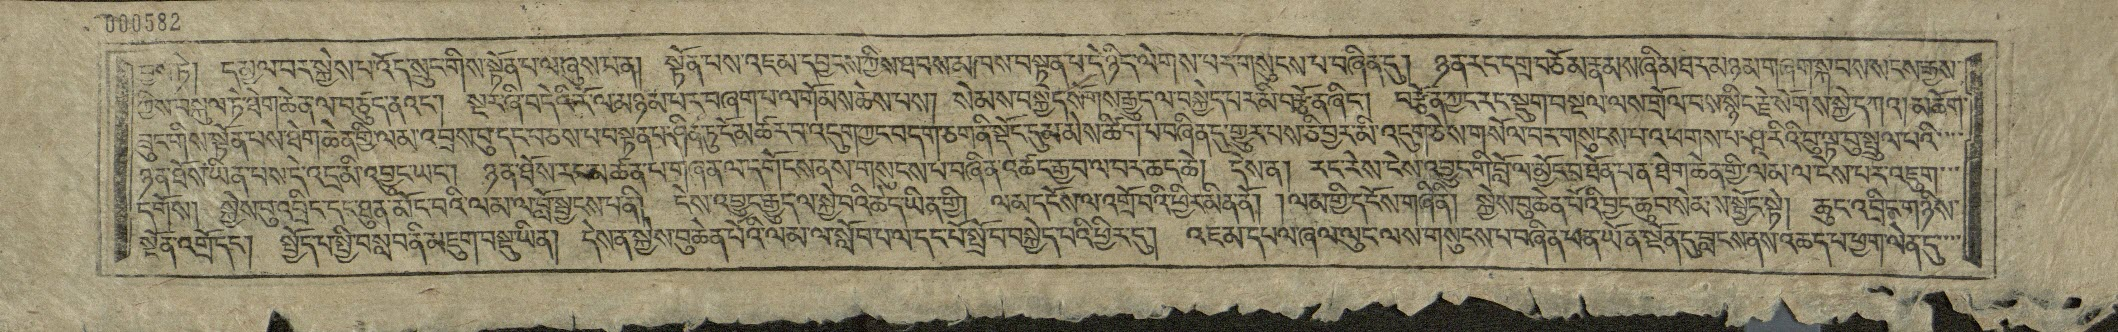བྱས་ཏེ། དམྱལ་བར་སྐྱེས་པ་འོད་སྲུང་གིས་སྟོན་པ་ལ་ཞུས་པ་ན། སྟོན་པས་འཇམ་དབྱངས་ཀྱིས་ཐབས་མཁས་བསྟན་པ་དེ་ཉིད་ལེགས་པར་གསུངས་པ་བཞིན་དུ། ཉན་རང་དགྲ་བཅོམ་རྣམས་ཞི་མཐར་མཉམ་གཞག་སྐབས་སངས་རྒྱས་
ཀྱིས་བསྐུལ་ཏེ་ཐེག་ཆེན་ལ་བཙུད་ནའང་། སྔར་ཞི་བདེའི་རོ་ལ་མཉམ་པར་བཞག་པ་ལ་གོམས་ཆེས་པས། སེམས་བསྐྱེད་སོགས་རྒྱུད་ལ་བསྐྱེད་པར་མི་བརྩོན་ཞིང་། བརྩོན་ཀྱང་རང་སྡུག་བསྔལ་ལས་གྲོལ་བས་སྙིང་རྗེ་སོགས་སྐྱེ་དཀའ། མཆོག་
ཟུང་གིས་སྟོན་པས་ཐེག་ཆེན་གྱི་ལམ་འབྲས་བུ་དང་བཅས་པ་བསྟན་པ་ཤིན་ཏུ་ངོ་མཚར་བ་འདུག་ཀྱང་བདག་ཅག་ནི་སྡོང་དུམ་མེས་ཚིག་པ་བཞིན་དུ་གྱུར་པས་ཅི་བྱར་མི་འདུག་ཅེས་གསོལ་བར་གསུངས་པ་འཕགས་པ་ཤཱ་རིའི་བུ་ལྟ་བུ་སྤྲུལ་པའི་
ཉན་ཐོས་ཡིན་པས་དེ་འདྲ་མི་འབྱུང་ཡང་། ཉན་ཐོས་རང་མཚན་པ་གཞན་ལ་དགོངས་ནས་གསུངས་པ་བཞིན་འཚང་རྒྱབ་ལ་བར་ཆད་ཆེ། དེས་ན། རང་རེས་ངེས་འབྱུང་གི་བློ་ལ་མྱོང་བ་ཐོན་པ་ན་ཐེག་ཆེན་གྱི་ལམ་ལ་ངེས་པར་འཇུག་
དགོས། སྐྱེས་བུ་འབྲིང་དང་ཐུན་མོང་བའི་ལམ་ལ་བློ་སྦྱངས་པ་ནི། ངེས་འབྱུང་རྒྱུད་ལ་སྐྱེ་བའི་ཆེད་ཡིན་གྱི། ལམ་དངོས་ལ་འགྲོ་བའི་ཕྱིར་མིན་ནོ། །ལམ་གྱི་དངོས་གཞི་ནི། སྐྱེས་བུ་ཆེན་པོའི་བྱང་ཆུབ་སེམས་སྦྱོང་སྟེ། ཆུང་འབྲིང་གཉིས་
སྔོན་འགྲོ་དང་། སྤྱོད་པ་སྤྱི་བསླབ་ནི་མཇུག་བསྡུ་ཡིན། དེས་ན་སྐྱེས་བུ་ཆེན་པོའི་ལམ་ལ་སློབ་པ་ལ་དང་པོ་སྤྲོ་བ་བསྐྱེད་པའི་ཕྱིར་དུ། འཇམ་དཔལ་ཞལ་ལུང་ལས་གསུངས་པ་བཞིན་ཕན་ཡོན་སྔོན་དུ་བླངས་ནས་འཆད་པ་ཕྱག་ལེན་དུ་